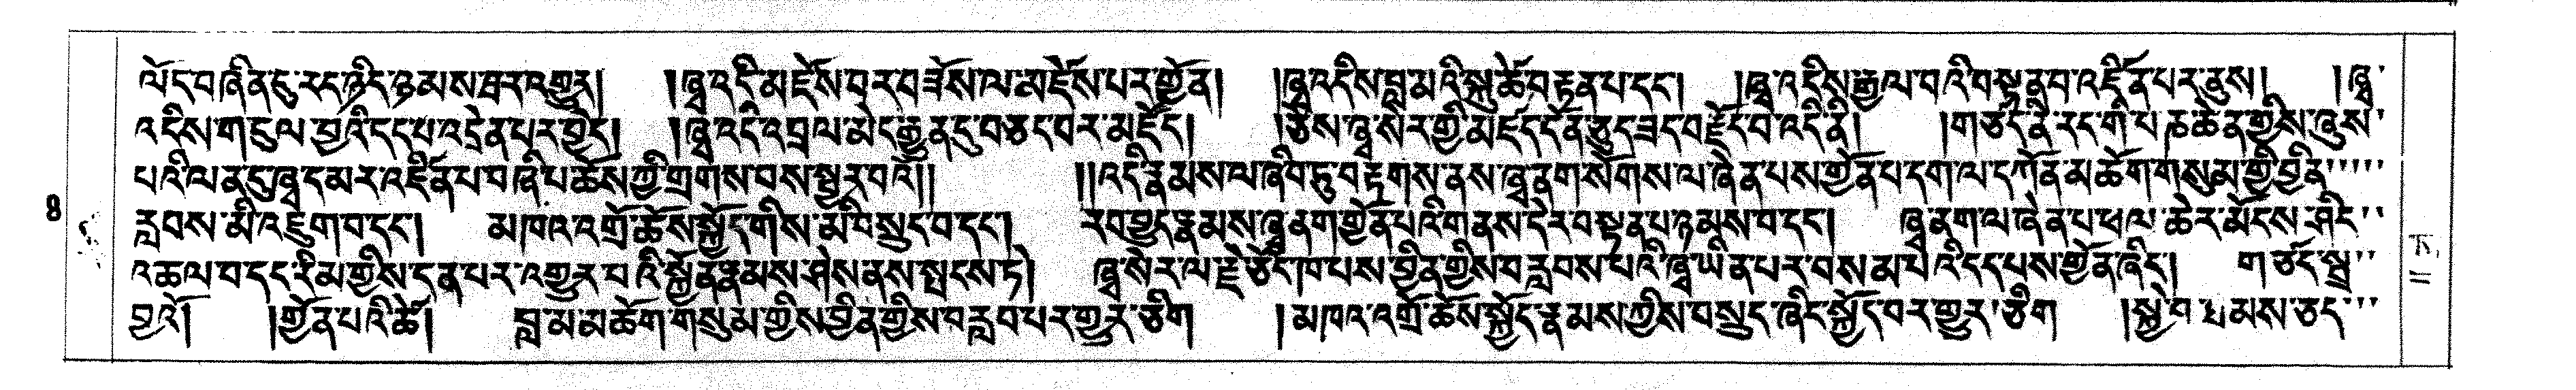ལོང་བཞིན་དུ་རང་ཉིད་ཉམས་ཐར་འགྱུར། །ཞྭ་འདི་མཛེས་བར་བཟོས་ལ་མཛེས་པར་གྱོན། །ཞྭ་འདིས་བླ་མའི་སྐུ་ཚེ་བརྟན་པ་དང་། །ཞྭ་འདིས་རྒྱལ་བའི་བསྟན་པ་འཛིན་པར་ནུས། །ཞྭ་
འདིས་གདུལ་བྱའི་དད་པ་འདྲེན་པར་བྱེད། །ཞྭ་འདི་འབྲལ་མེད་རྒྱུན་དུ་བཅང་བར་མཛོད། །ཅེས་ཞྭ་སེར་གྱི་མཛད་དོན་ཅུང་ཟད་བརྗོད་བ་འདི་ནི། །གཙང་ནི་རང་གི་པཎ་ཆེན་གྱིས་ཞུས་
པའི་ལན་དུ་ཞྭ་དམར་འཛིན་པ་བཞི་པ་ཆོས་ཀྱི་གྲགས་བས་སྦྱར་བའོ།། །།འདི་རྣམས་ལ་ཞིབ་ཏུ་བརྟགས་ནས་ཞྭ་ནག་སོགས་ལ་ཞེན་པས་གྱོན་པ་དག་ལ་དཀོན་མཆོག་གསུམ་གྱི་བྱིན་
རླབས་མི་འཇུག་བ་དང་། མཁའ་འགྲོ་ཆོས་སྐྱོད་གིས་མི་བསྲུང་བ་དང་། རབ་བྱུང་རྣམས་ཞྭ་ནག་གྱོན་པའི་གནས་དེར་བསྟན་པ་ཉམས་བ་དང་། ཞྭ་ནག་ལ་ཞེན་པ་ཕལ་ཆེར་མོངས་ཤིང་
འཆལ་བ་དང་རིམ་གྱིས་ངན་པར་འགྱུར་བའི་སྐྱོན་རྣམས་ཤེས་ནས་སྤངས་ཏེ། ཞྭ་སེར་ལ་རྗེ་ཙོང་ཁ་པས་བྱིན་གྱིས་བརླབས་པའི་ཞྭ་ཡིན་པར་བསམ་པའི་དད་པས་གྱོན་ཞིང་། གཙང་སྦྲ་
བྱའོ། །གྱོན་པའི་ཚེ། བླ་མ་མཆོག་གསུམ་གྱིས་བྱིན་གྱིས་བརླབ་པར་གྱུར་ཅིག །མཁའ་འགྲོ་ཆོས་སྐྱོང་རྣམས་ཀྱིས་བསྲུང་ཞིང་སྐྱོད་བར་གྱུར་ཅིག །སྐྱེ་བ་ཐམས་ཅད་